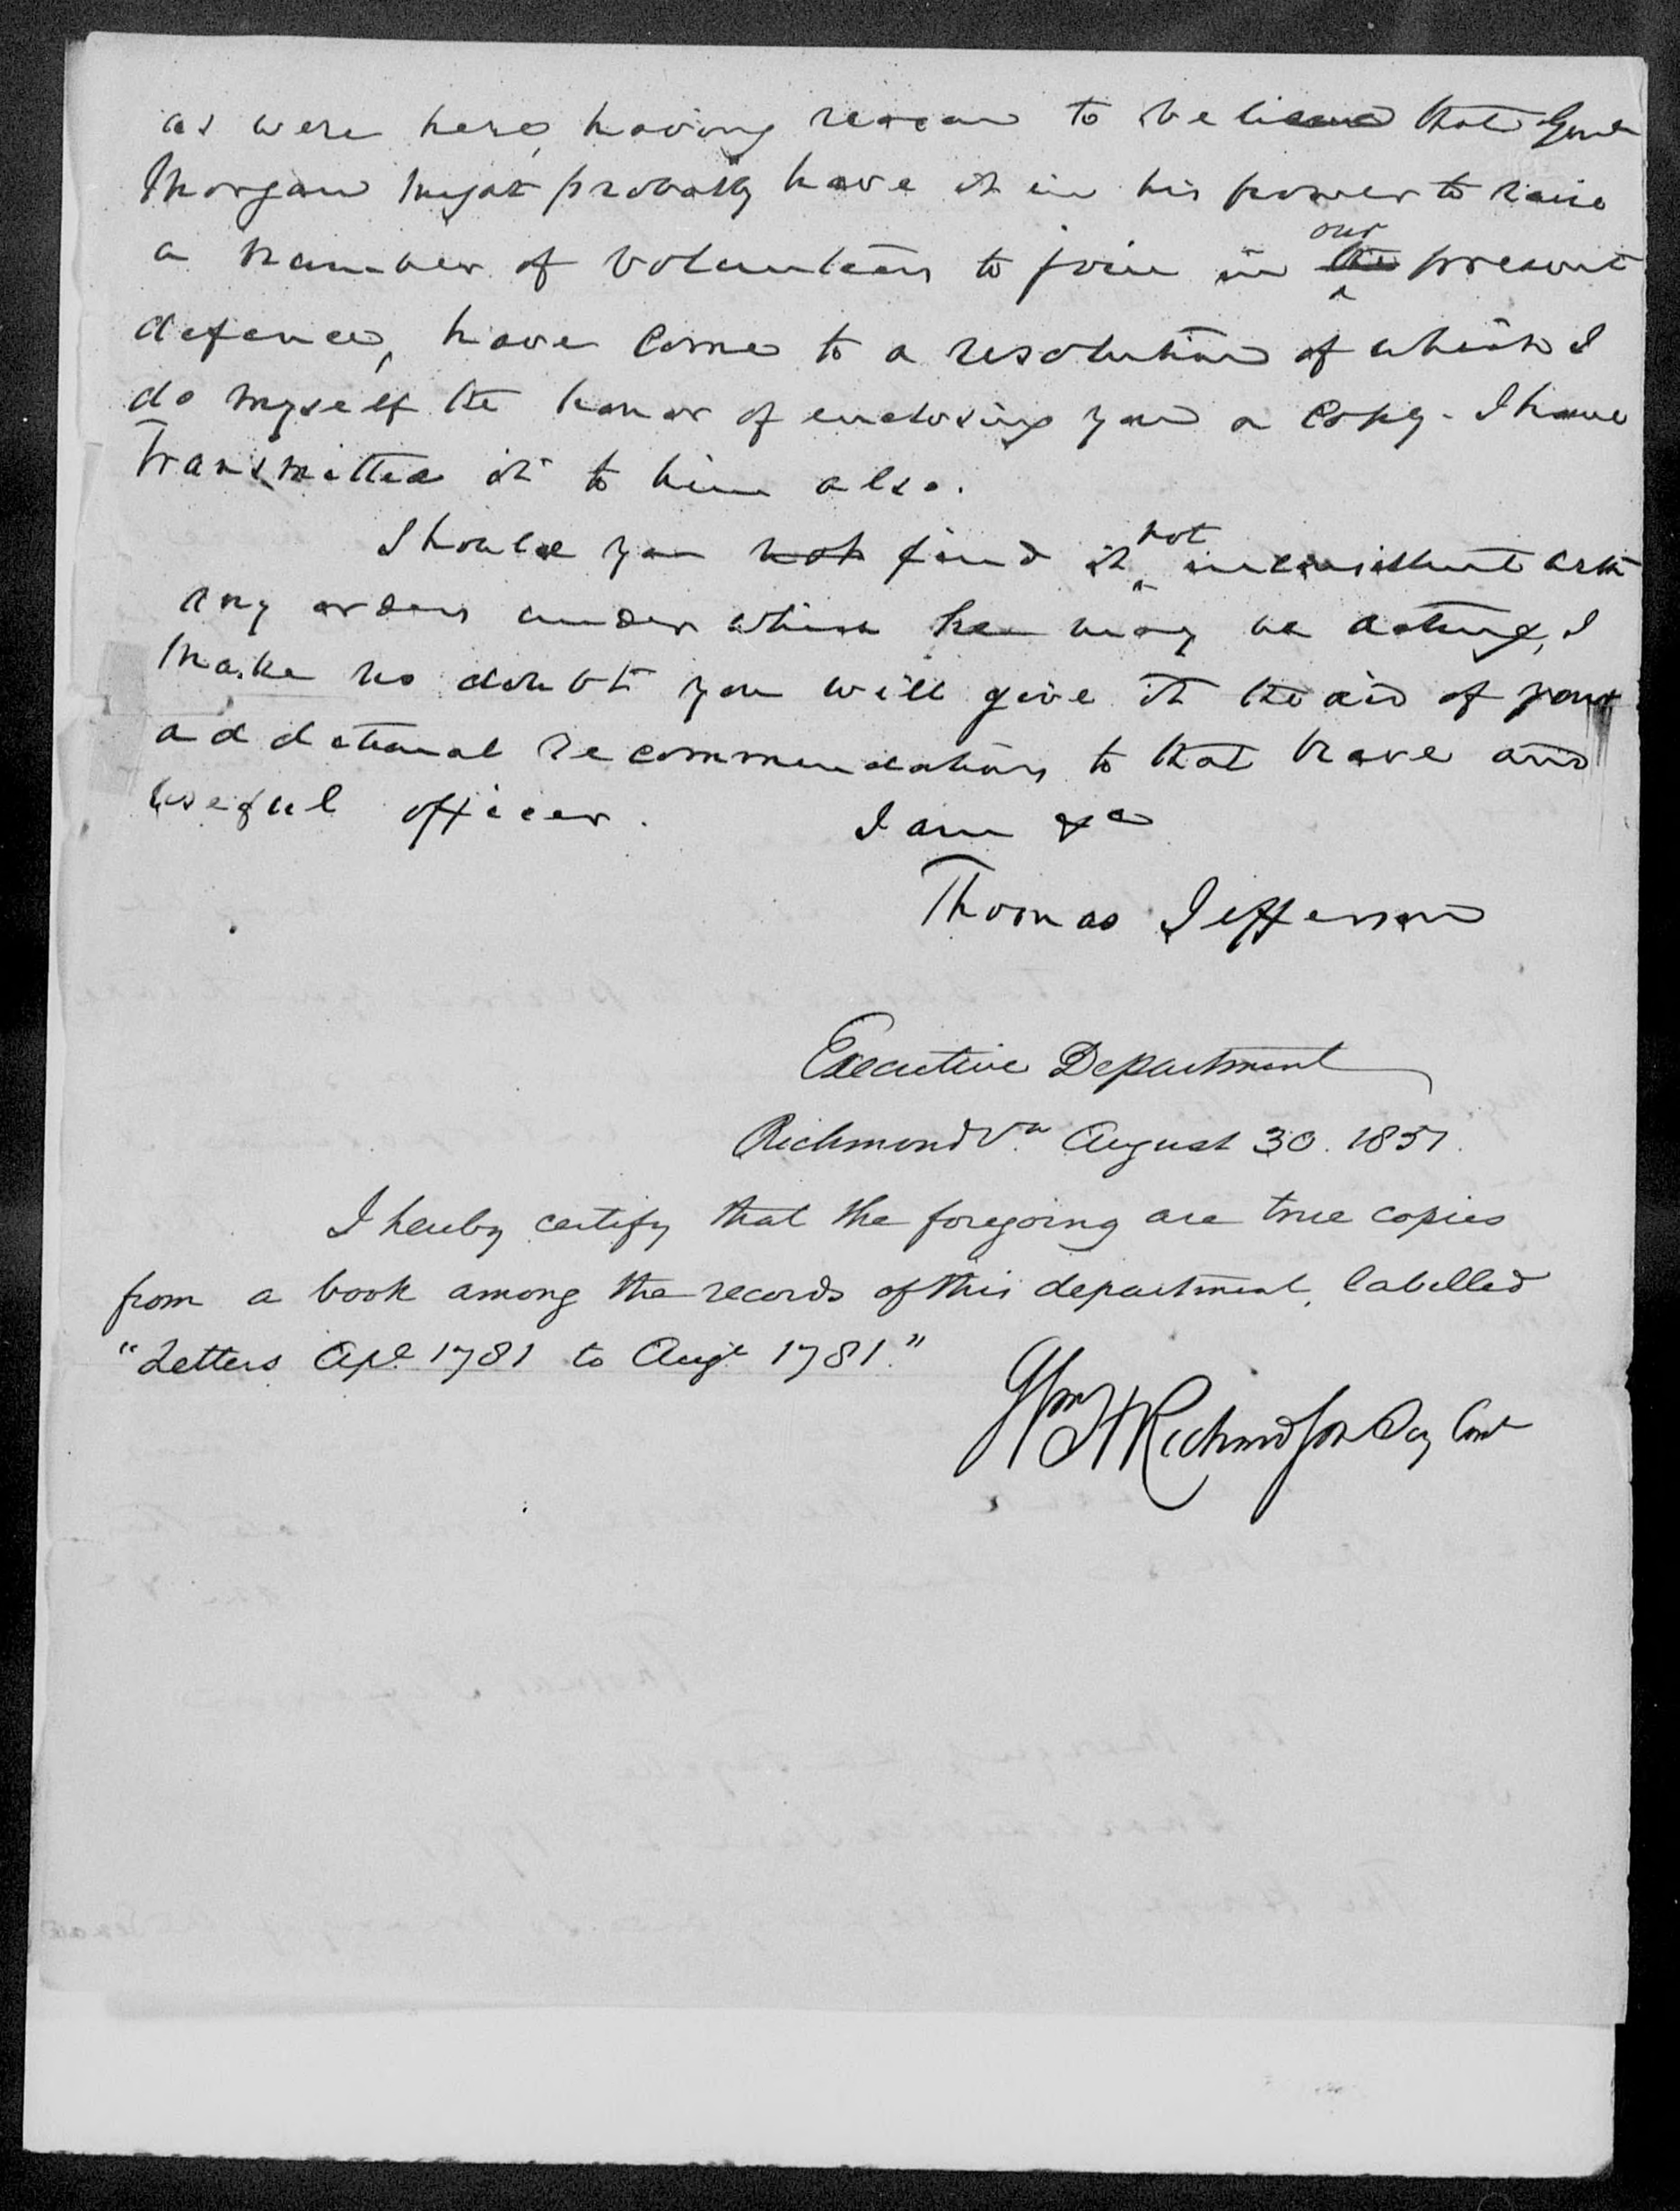as were here having reopen to believe that Genl. Morgan might probably have it in his power to raise as number of volunteers to join in [cross out] the [end cross out] our present defense, have come to a resolution of which I do myself the honor of enclosing you a copy. I have transmitted it to him also.
Should you [cross out] not [end cross out] find it [insert] not [end insert] inconsistent with any orders under which he may be acting, I make no doubt you will give it the aid of your additional recommendations to  that brave and useful officer.    I am +c[et cetera]
Thomas Jefferson

Executive Department
Richmond Va. August 30. 1851
I hereby certify that the foregoing are true copies from a book among the records of this department labelled "Letters Apl. 1781 to Augt. 1781."
Wm H Richardson Scy Comt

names: Wm H Richardson, Thomas Jefferson, Morgan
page: 114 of 267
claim: widow's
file: W. 4,149, William Campbell, Va.